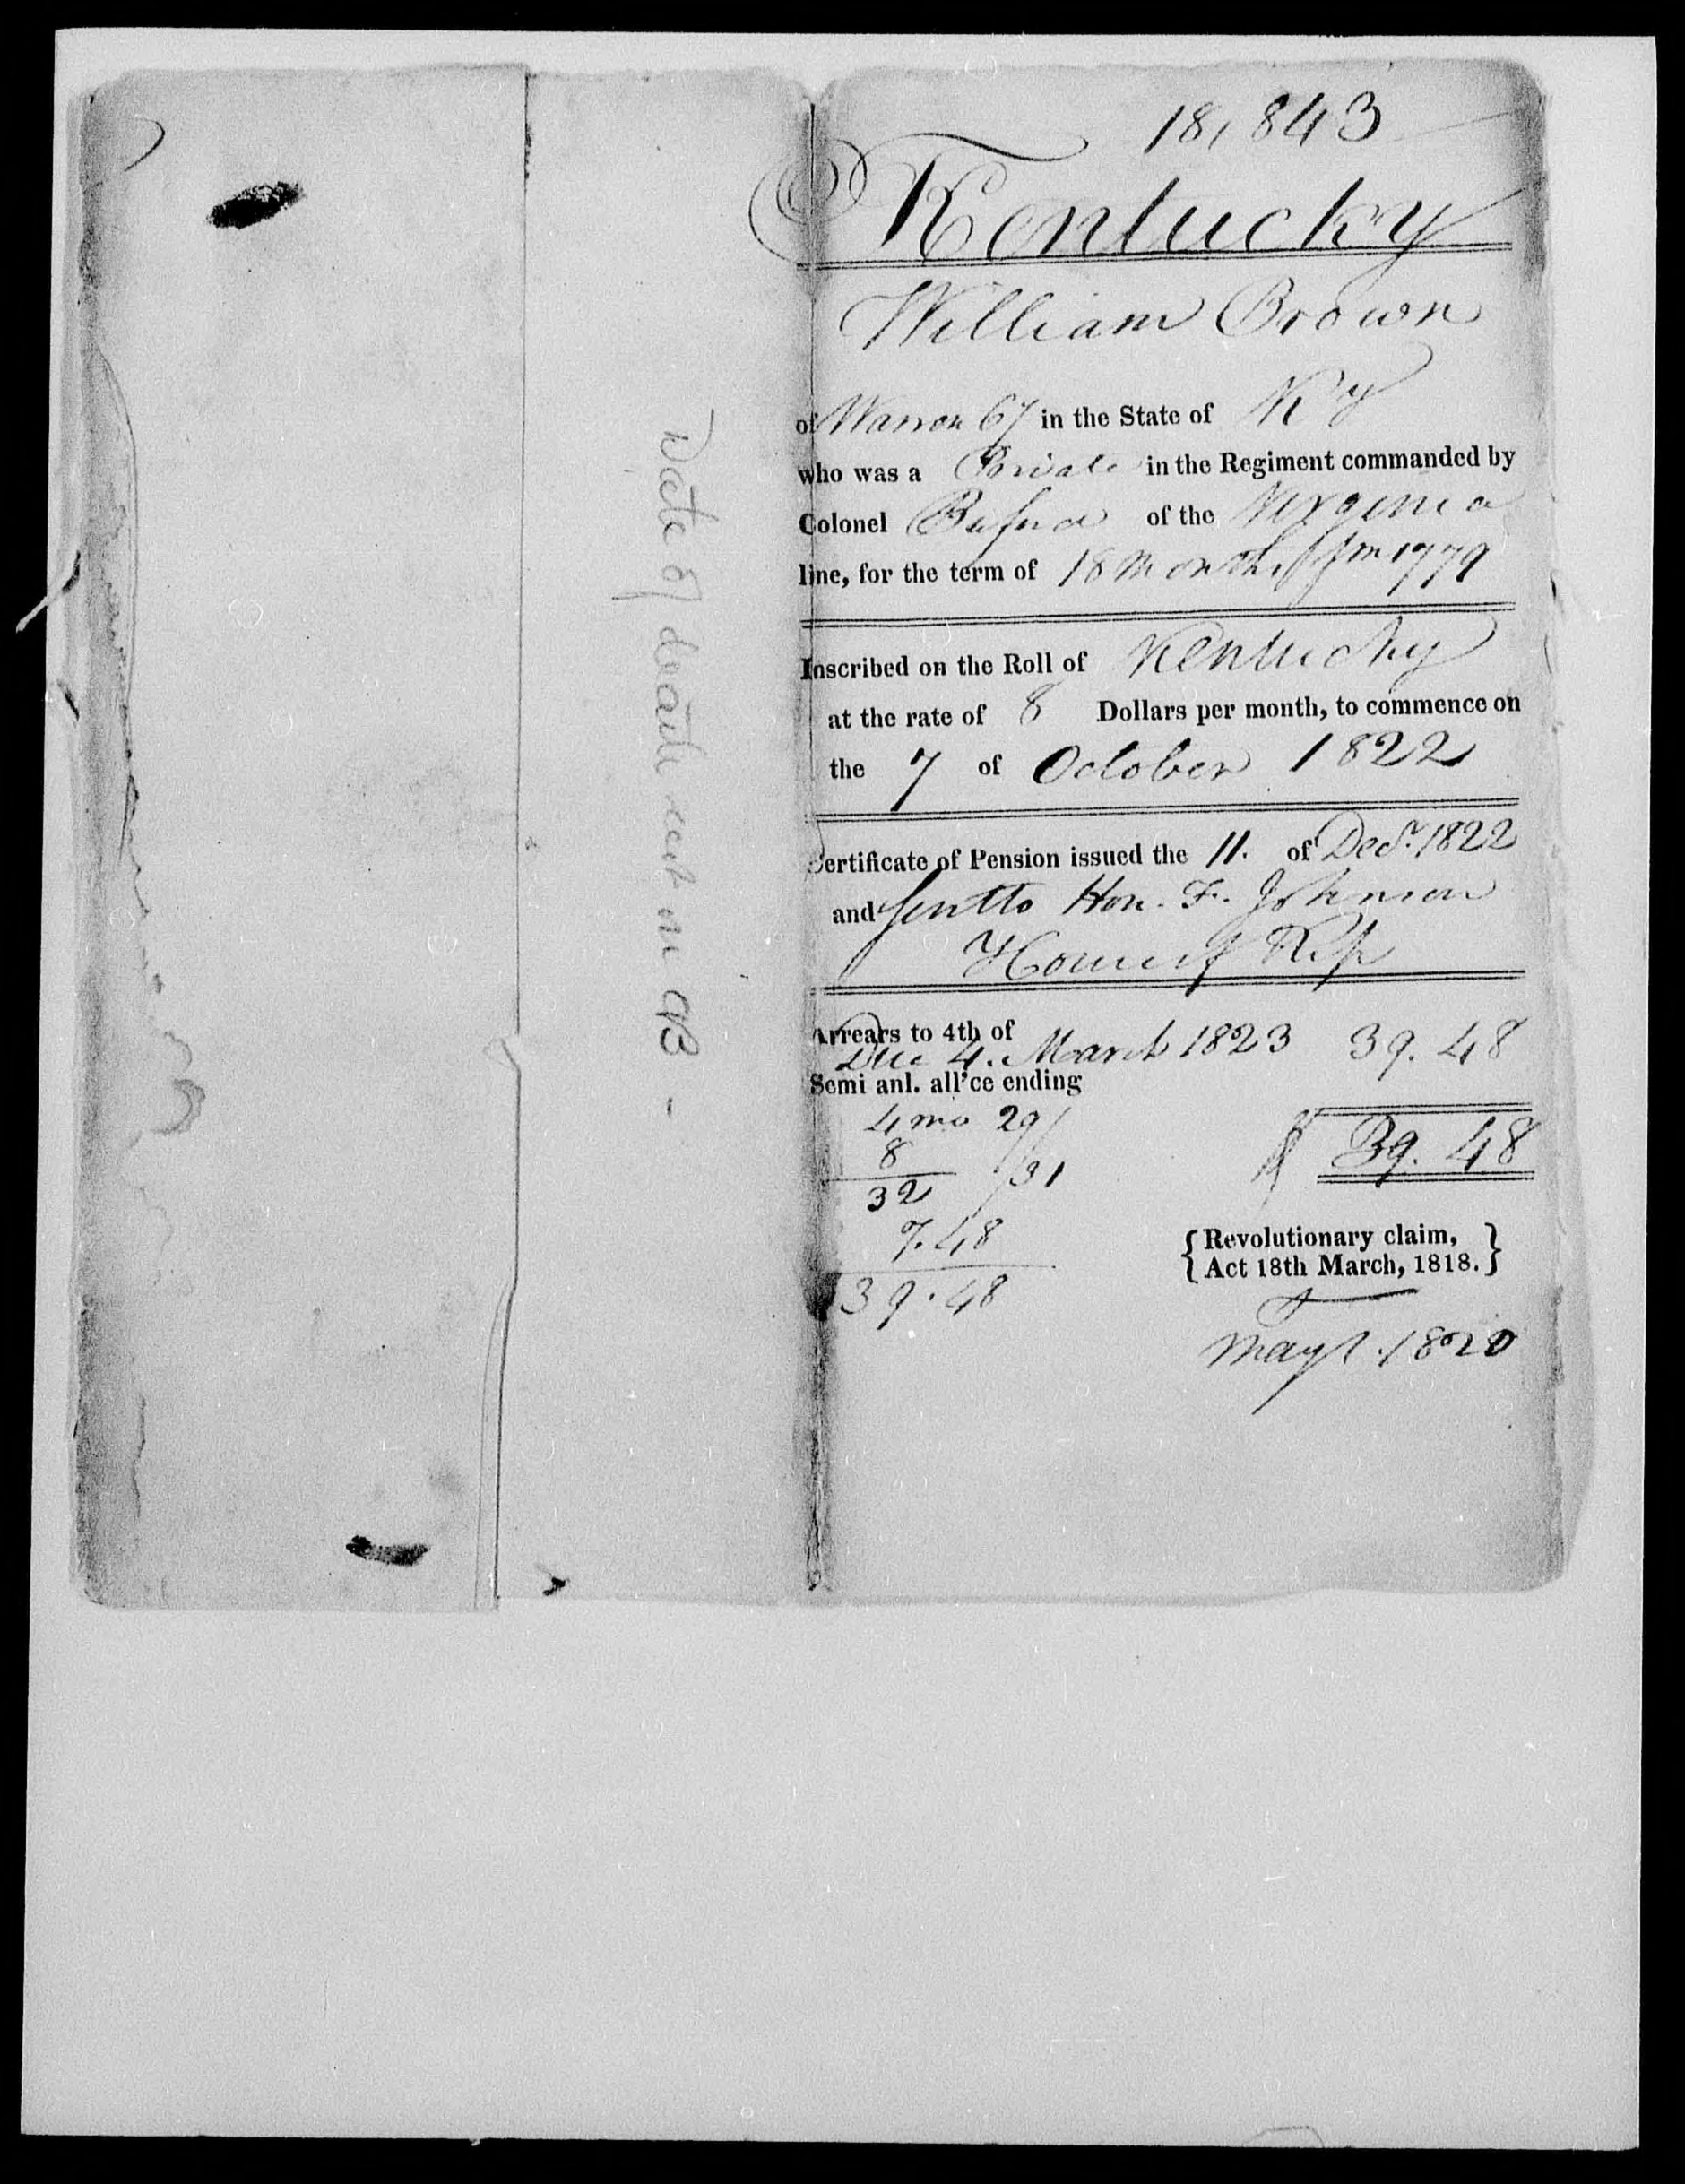18,843
Kentucky
William Brown
of Memory in the State of KY
who was a [illegible] in the Regiment commanded by
Colonel Buford of the Virginia
line, for the term of 18 months [illegible]
Inscribed on the roll of Kentucky
at the rate of 8 Dollars per month, to commence on the 7 of October 1822
Certificate of Pension issued the 11 of Dec. 1822
and [illegible] Hon. F. Johnson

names: William Brown, Buford, F Johnson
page: 2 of 21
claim: survivor's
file: S. 35,788, William Brown, Va.